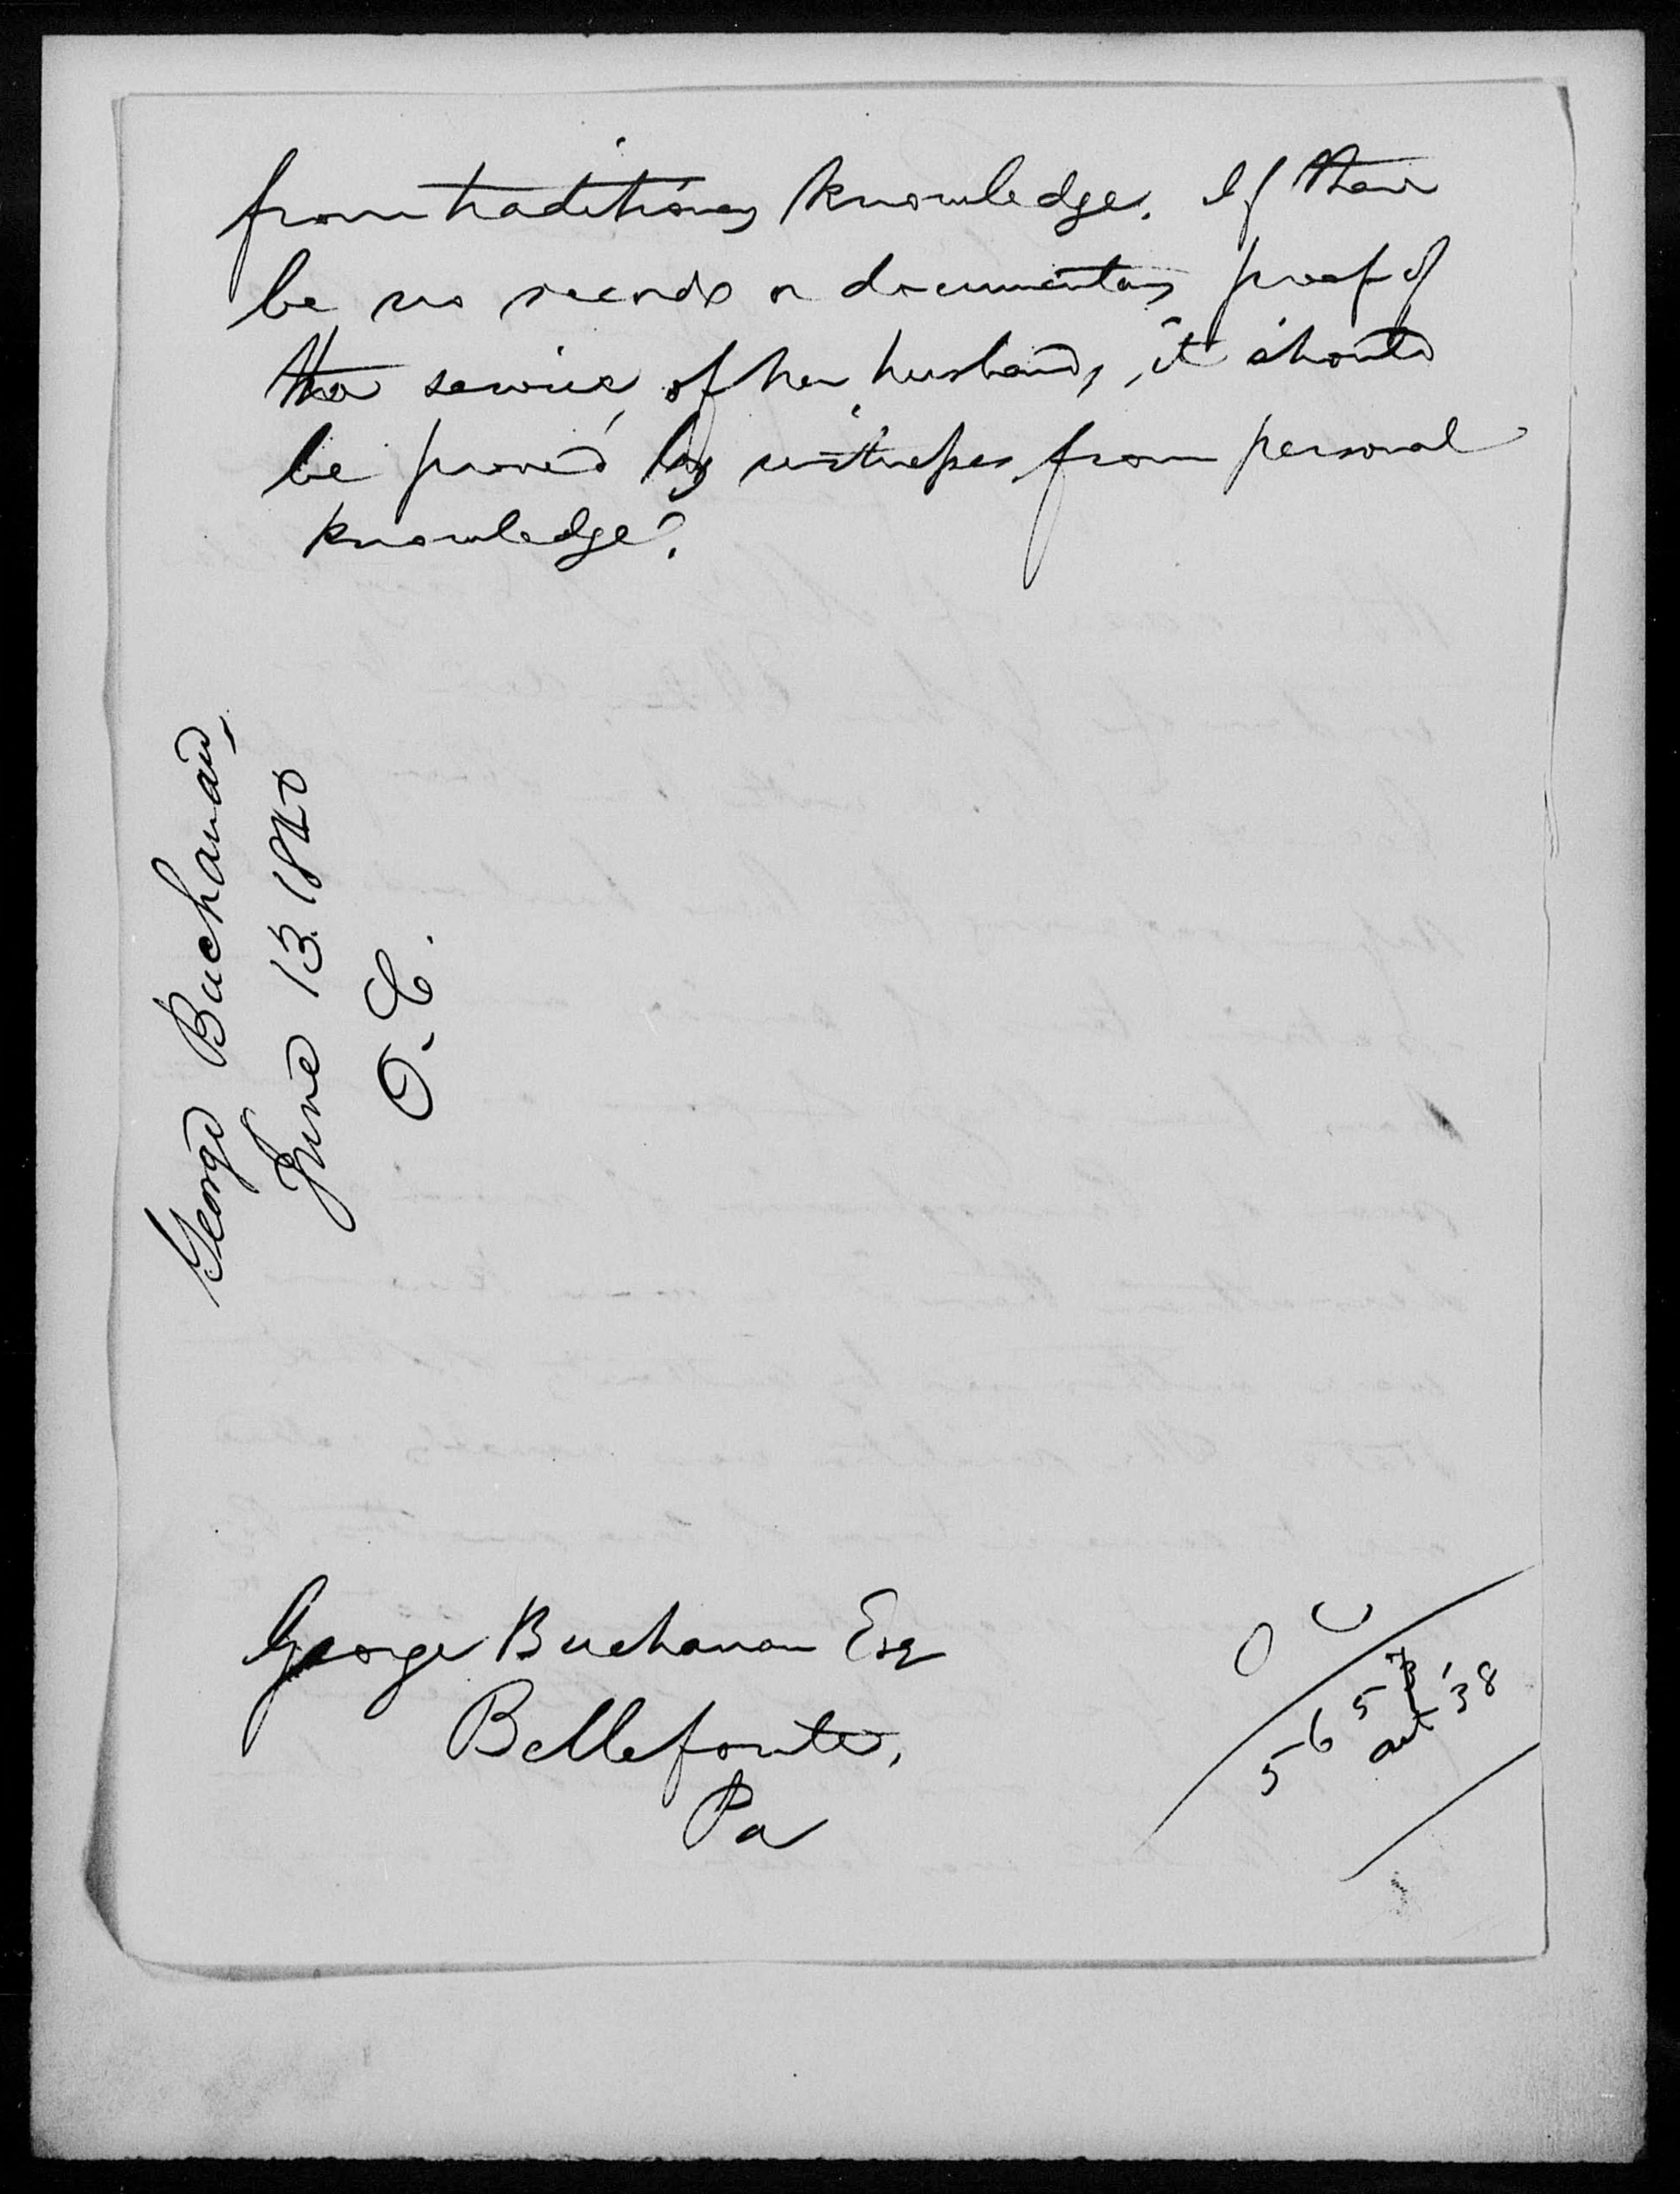From traditionary knowledge, If there be his records or documentary proof of the service of her husband, it should be proved by witnesses from personal knowledge.

(along side of page written out vertically)
George Buchanan
June 13, 1840

(Down at the bottom of the page written horizontally)
George Buchanan Esq
Bellefonte, PA

(Written on an angle right lowest corner of page)
OC/5657
Out ‘38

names: George Buchanan, George Buchanan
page: 21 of 80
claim: widow's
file: W. 24117, John Elder, Penn.